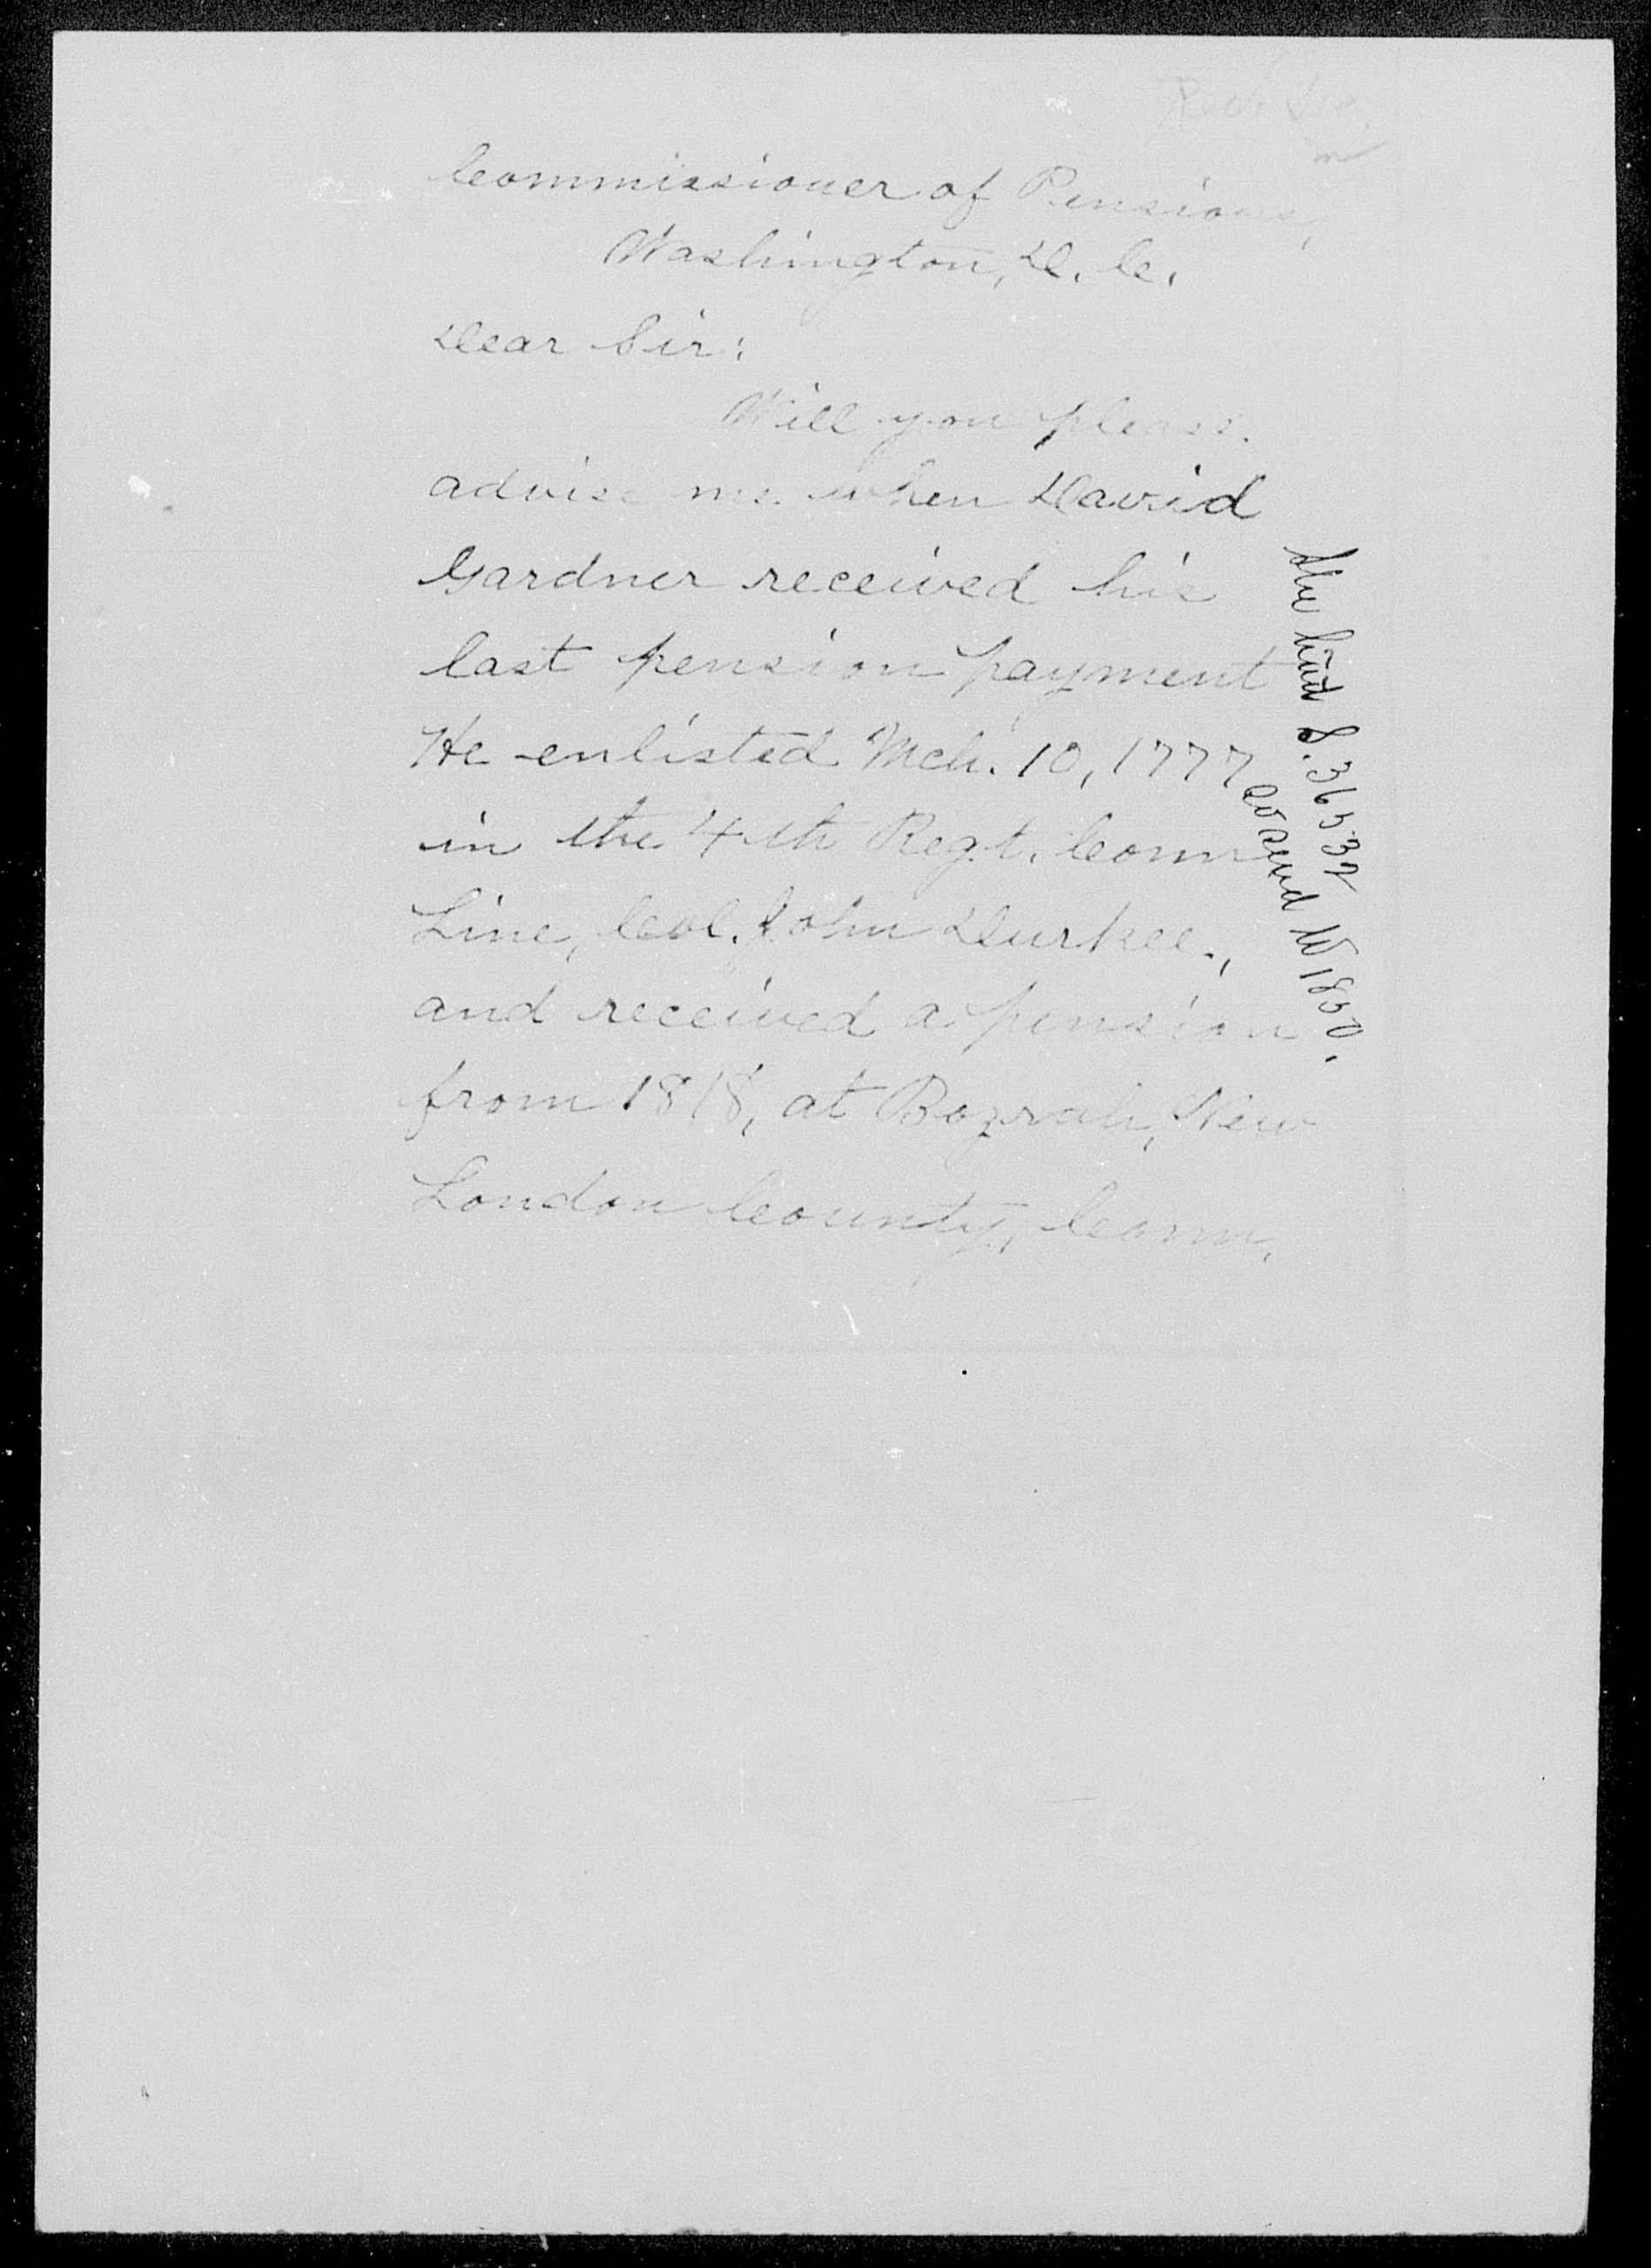Commissioner of Pensions, Washington D. C.

Dear Sir,
Will you please advise me when David Gardner received his last pension payment?  He enlisted Mch. 10, 1777 in the 4th Regt. Conn Line, Col John Durkee, and received a pension from 1818, at Bozrah New London County, Conn.

[text written on the side of letter]
She had S.36532
so send W 1830.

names: John Durkee, David Gardner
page: 34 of 66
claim: widow's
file: W 1850, David Gardner, Conn.